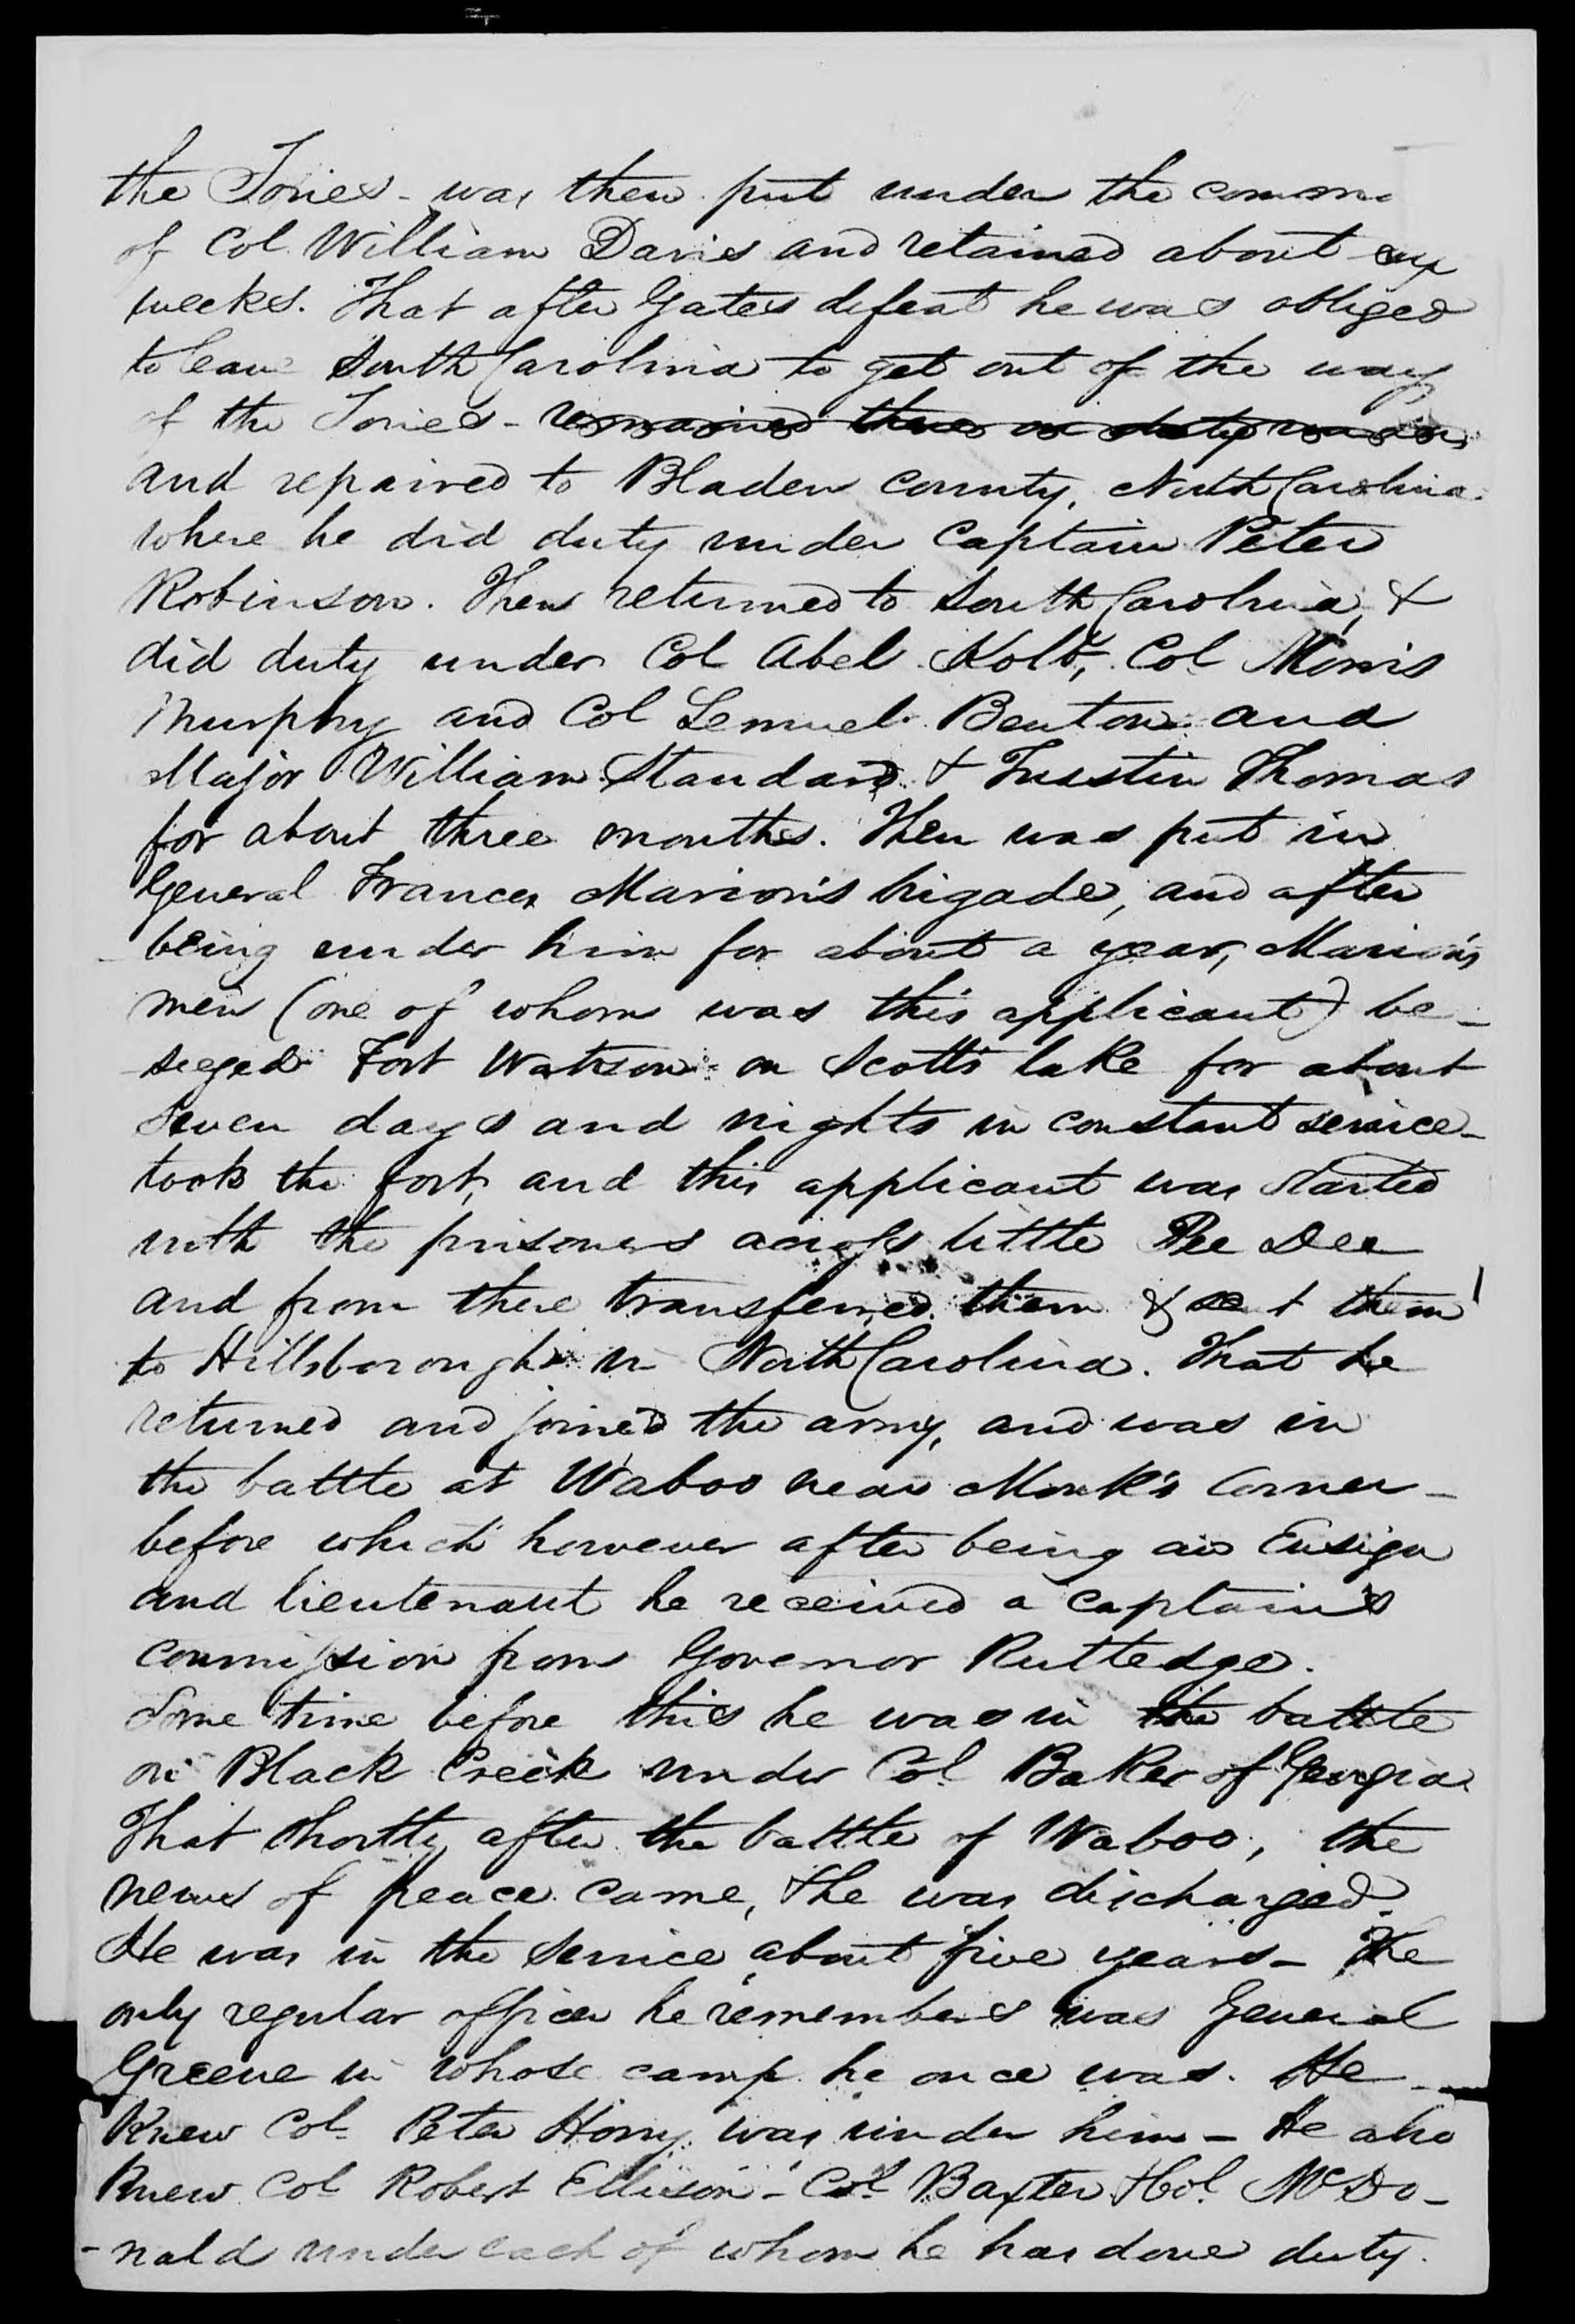[handwritten]
the Tories was then put under the comme
of Col William Davis and retained about [illegible] weeks. That after Gates defeat he was obliged to leave South Carolina to get out of the way of the Tories and repaired to Bladen County, North Carolina where he did duty under Captain Peter Robinson. Then returned to South Carolina, & did duty under Col Abel Kolb, Col Morris Murphy and Col Lemuel Benton and Major William Standard & Tusstin Thomas for about three months. Then was put in General Frances Marion's brigade, and after
being under him for about a year, Marion's
men (one of whom was this applicant) be-
sieged fort Watson on Scotts lake for about
Seven days and nights in constant service. took
the fort and this applicant was started
with the prisoners across little Pee Dee
and from there transferred them & led them
to Hillsborough in North Carolina. That he
returned and joined the army, and was in
the battle at Waboo near Monck's corner -
before which however after being an Ensign
and lieutenant he received a captains
commission from Governor Rutledge
Some time before this he was in the battle
on Black Creek under Col Baker of Georgia
That shortly after the battle of Waboo, the
news of peace came, & he was discharged
He was in the service about five years the
only regular officer he remember & was General Greene in whose camp he once was. He knew Col Peter Horry was under him. He also knew Col Robert Ellison Col Baxter & Col. McDonald under each of whom he has done duty.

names: Morris Murphy, Gates, Peter Horry, Robert Ellison, Greene, William Standard, Peter Robinson, Jones, Tusstin Thomas, Baker, William Davis, Baxter, Jones, Lemuel Benton, Mc Donald, Abel Kolb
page: 8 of 43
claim: survivor's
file: S. 21163, Peter Dubose, S.C.